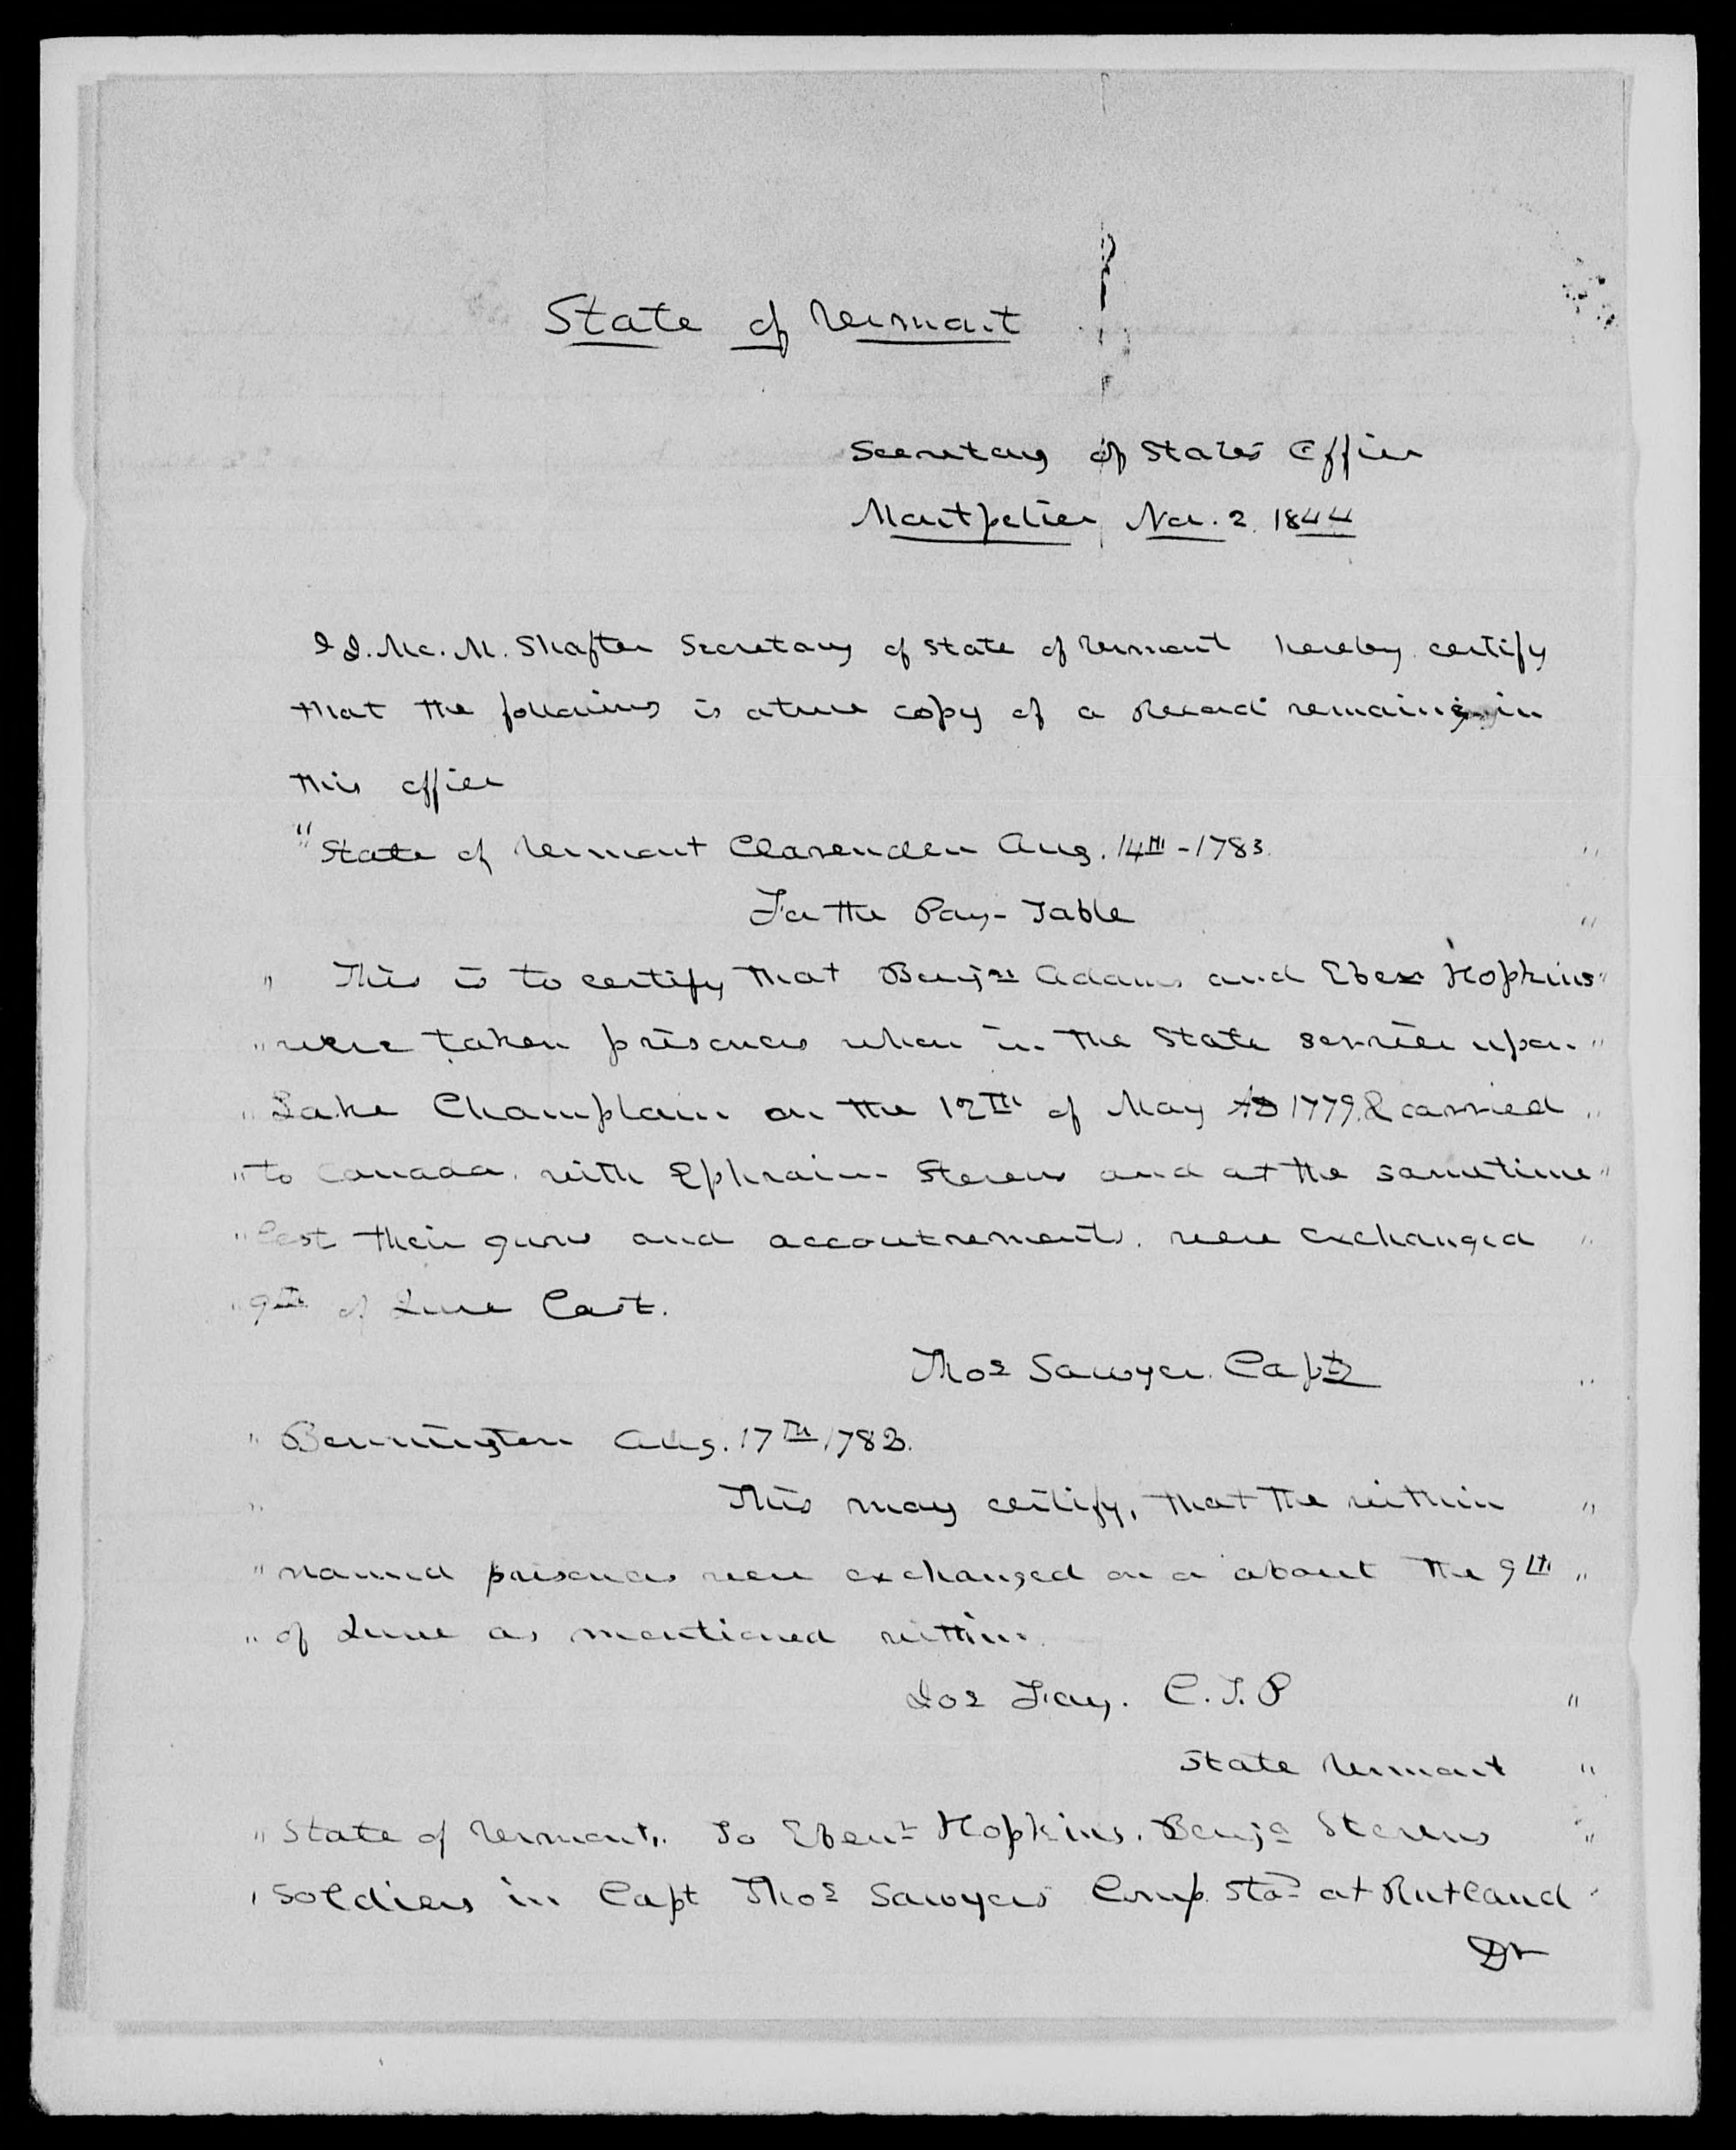State of Vermont
Secretary of State Office
Montpelier Nov. 2. 1844
J. M. M. Shafter Secretary of State of Vermont hereby certify
that the following is a true copy of a record remaining this office

State of Vermont Clarenden Aug. 14, 1783.
for the Pay-Table

This is to certify that Benjn Adams and Eben Hopkins
were taken prisoner when in the State service upon 
Lake Champlain on the 12th of May AD 1779. & carried
to Canada, with Ephraim Stevens and at the same time
lost their guns and accoutrement, were exchanged "
9th of  June [illegible].

Thos Sawyer Capt
Burlington Aug. 17th 1782.
This may certify, that the within
named prisosers were exchanged on or about the 9th "
of June as mentioned within
Jos Fay. C.J.P.
State Vermont

State of Vermont, To Eben Hopkins, Benj Stevens
Soldiers in Capt Thos Sawyers Comp stad at Rutland
Dr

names: Jos Fay, Ebenr Hopkins, J Mc M Shafter, Benjn Stevens, Thos Sawyer, Ephraim Stevens, Benjn Adams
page: 86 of 144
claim: rejected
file: R. 5208, Dennis Hopkins, N.C.